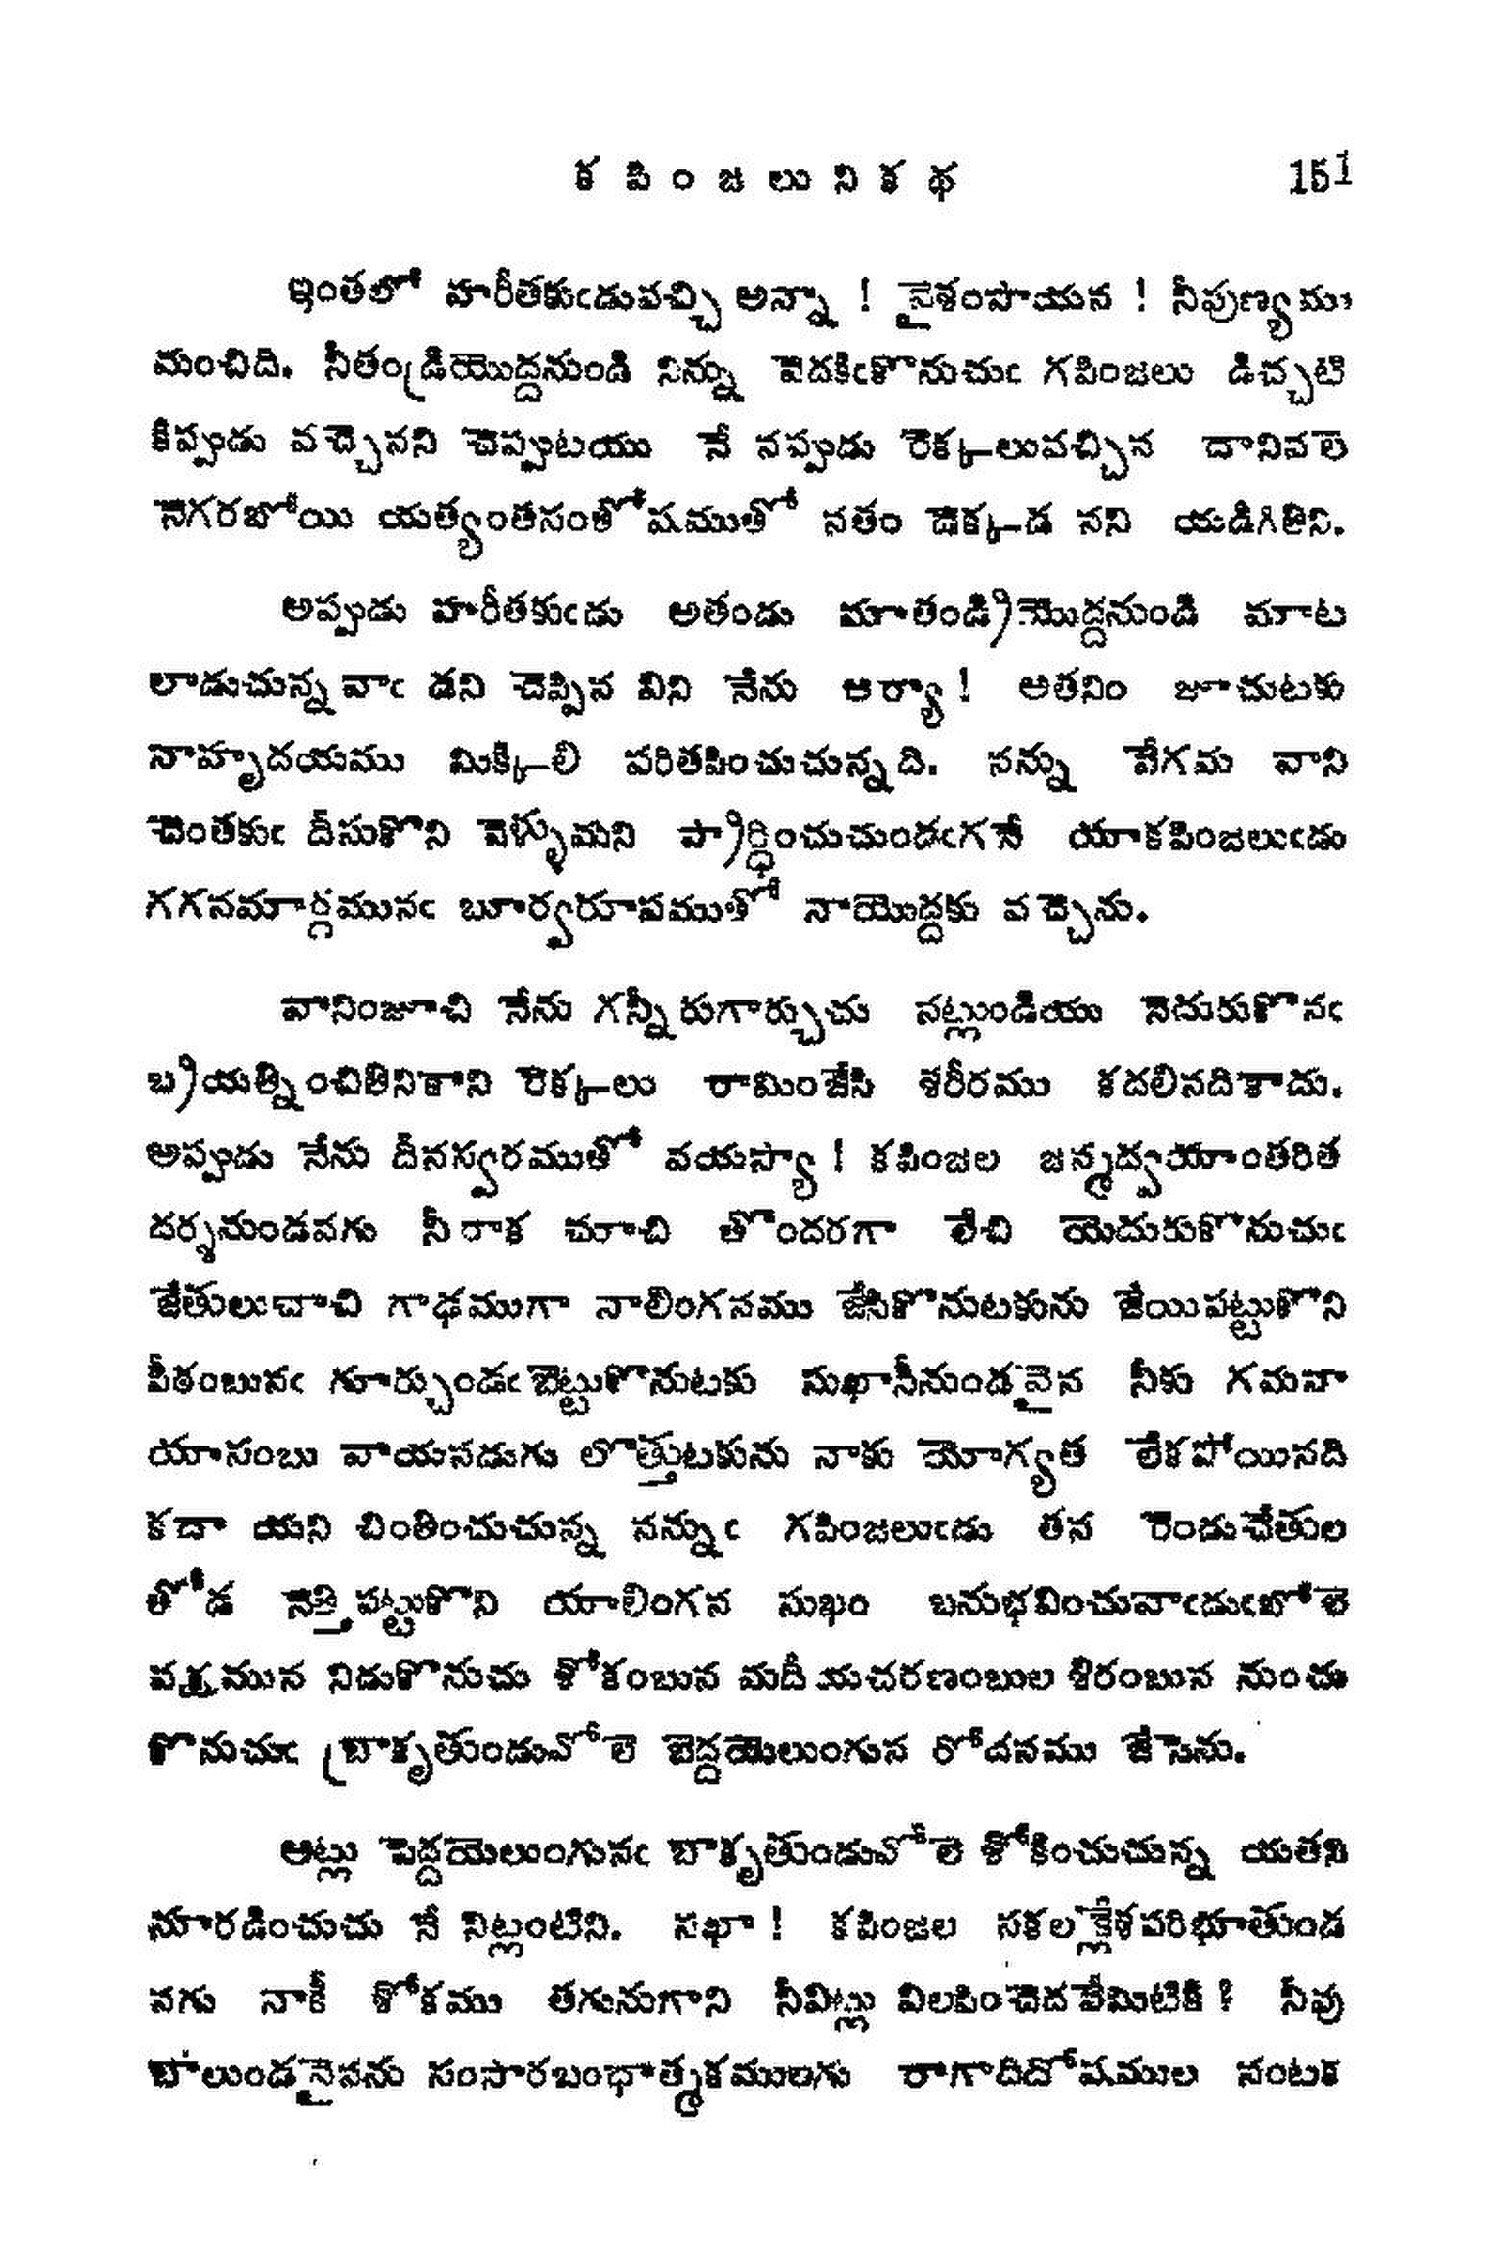ఇంతలో హరీతకుఁడువచ్చి అన్నా! వైశంపాయన! నీపుణ్యము మంచిది. నీతండ్రియొద్దనుండి నిన్ను వెదకిఁకొనుచుఁ గపింజలు డిచ్చటి కిప్పుడు వచ్చెనని చెప్పుటయు నే నప్పుడు రెక్కలువచ్చిన దానివలె నెగరబోయి యత్యంతసంతోషముతో నతం డెక్కడ నని యడిగితిని.

అప్పుడు హరీతకుఁడు అతండు మాతండ్రియొద్దనుండి మాటలాడుచున్నవాఁ డని చెప్పిన విని నేను ఆర్యా! అతనిం జూచుటకు నాహృదయము మిక్కిలి పరితపించుచున్నది. నన్ను వేగమ వాని చెంతకుఁ దీసుకొని వెళ్ళుమని ప్రార్ధించుచుండఁగనే యాకపింజలుఁడు గగనమార్గమునఁ బూర్వరూపముతో నాయొద్దకు వచ్చెను.

వానింజూచి నేను గన్నీరుగార్చుచు నట్లుండియు నెదురుకొనఁ బ్రయత్నించితినికాని రెక్కలు రామింజేసి శరీరము కదలినదికాదు. అప్పుడు నేను దీనస్వరముతో వయస్యా! కపింజల జన్మద్వయాంతరిత దర్శనుండవగు నీరాక చూచి తొందరగా లేచి యెదురుకొనుచుఁ జేతులుచాచి గాఢముగా నాలింగనము జేసికొనుటకును జేయిపట్టుకొని పీఠంబునఁ గూర్చుండఁబెట్టుకొనుటకు సుఖాసీనుండవైన నీకు గమనాయాసంబు వాయనడుగు లొత్తుటకును నాకు యోగ్యత లేకపోయినది కదా యని చింతించుచున్న నన్నుఁ గపింజలుఁడు తన రెండుచేతుల తోడ నెత్తిపట్టుకొని యాలింగన సుఖం బనుభవించువాఁడుఁబోలె వక్షమున నిడుకొనుచు శోకంబున మదీయచరణంబుల శిరంబున నుంచుకొనుచుఁ బ్రాకృతుండువోలె బెద్దయెలుంగున రోదనము జేసెను.

అట్లు పెద్దయెలుంగునఁ బాకృతుండువోలె శోకించుచున్న యతని నూరడించుచు నే నిట్లంటిని. సఖా! కపింజల సకలక్లేశపరిభూతుండనగు నాకీ శోకము తగునుగాని నీవిట్లు విలపించెదవేమిటికి? నీవు బాలుండవైనను సంసారబంధాత్మకములగు రాగాదిదోషముల నంటక